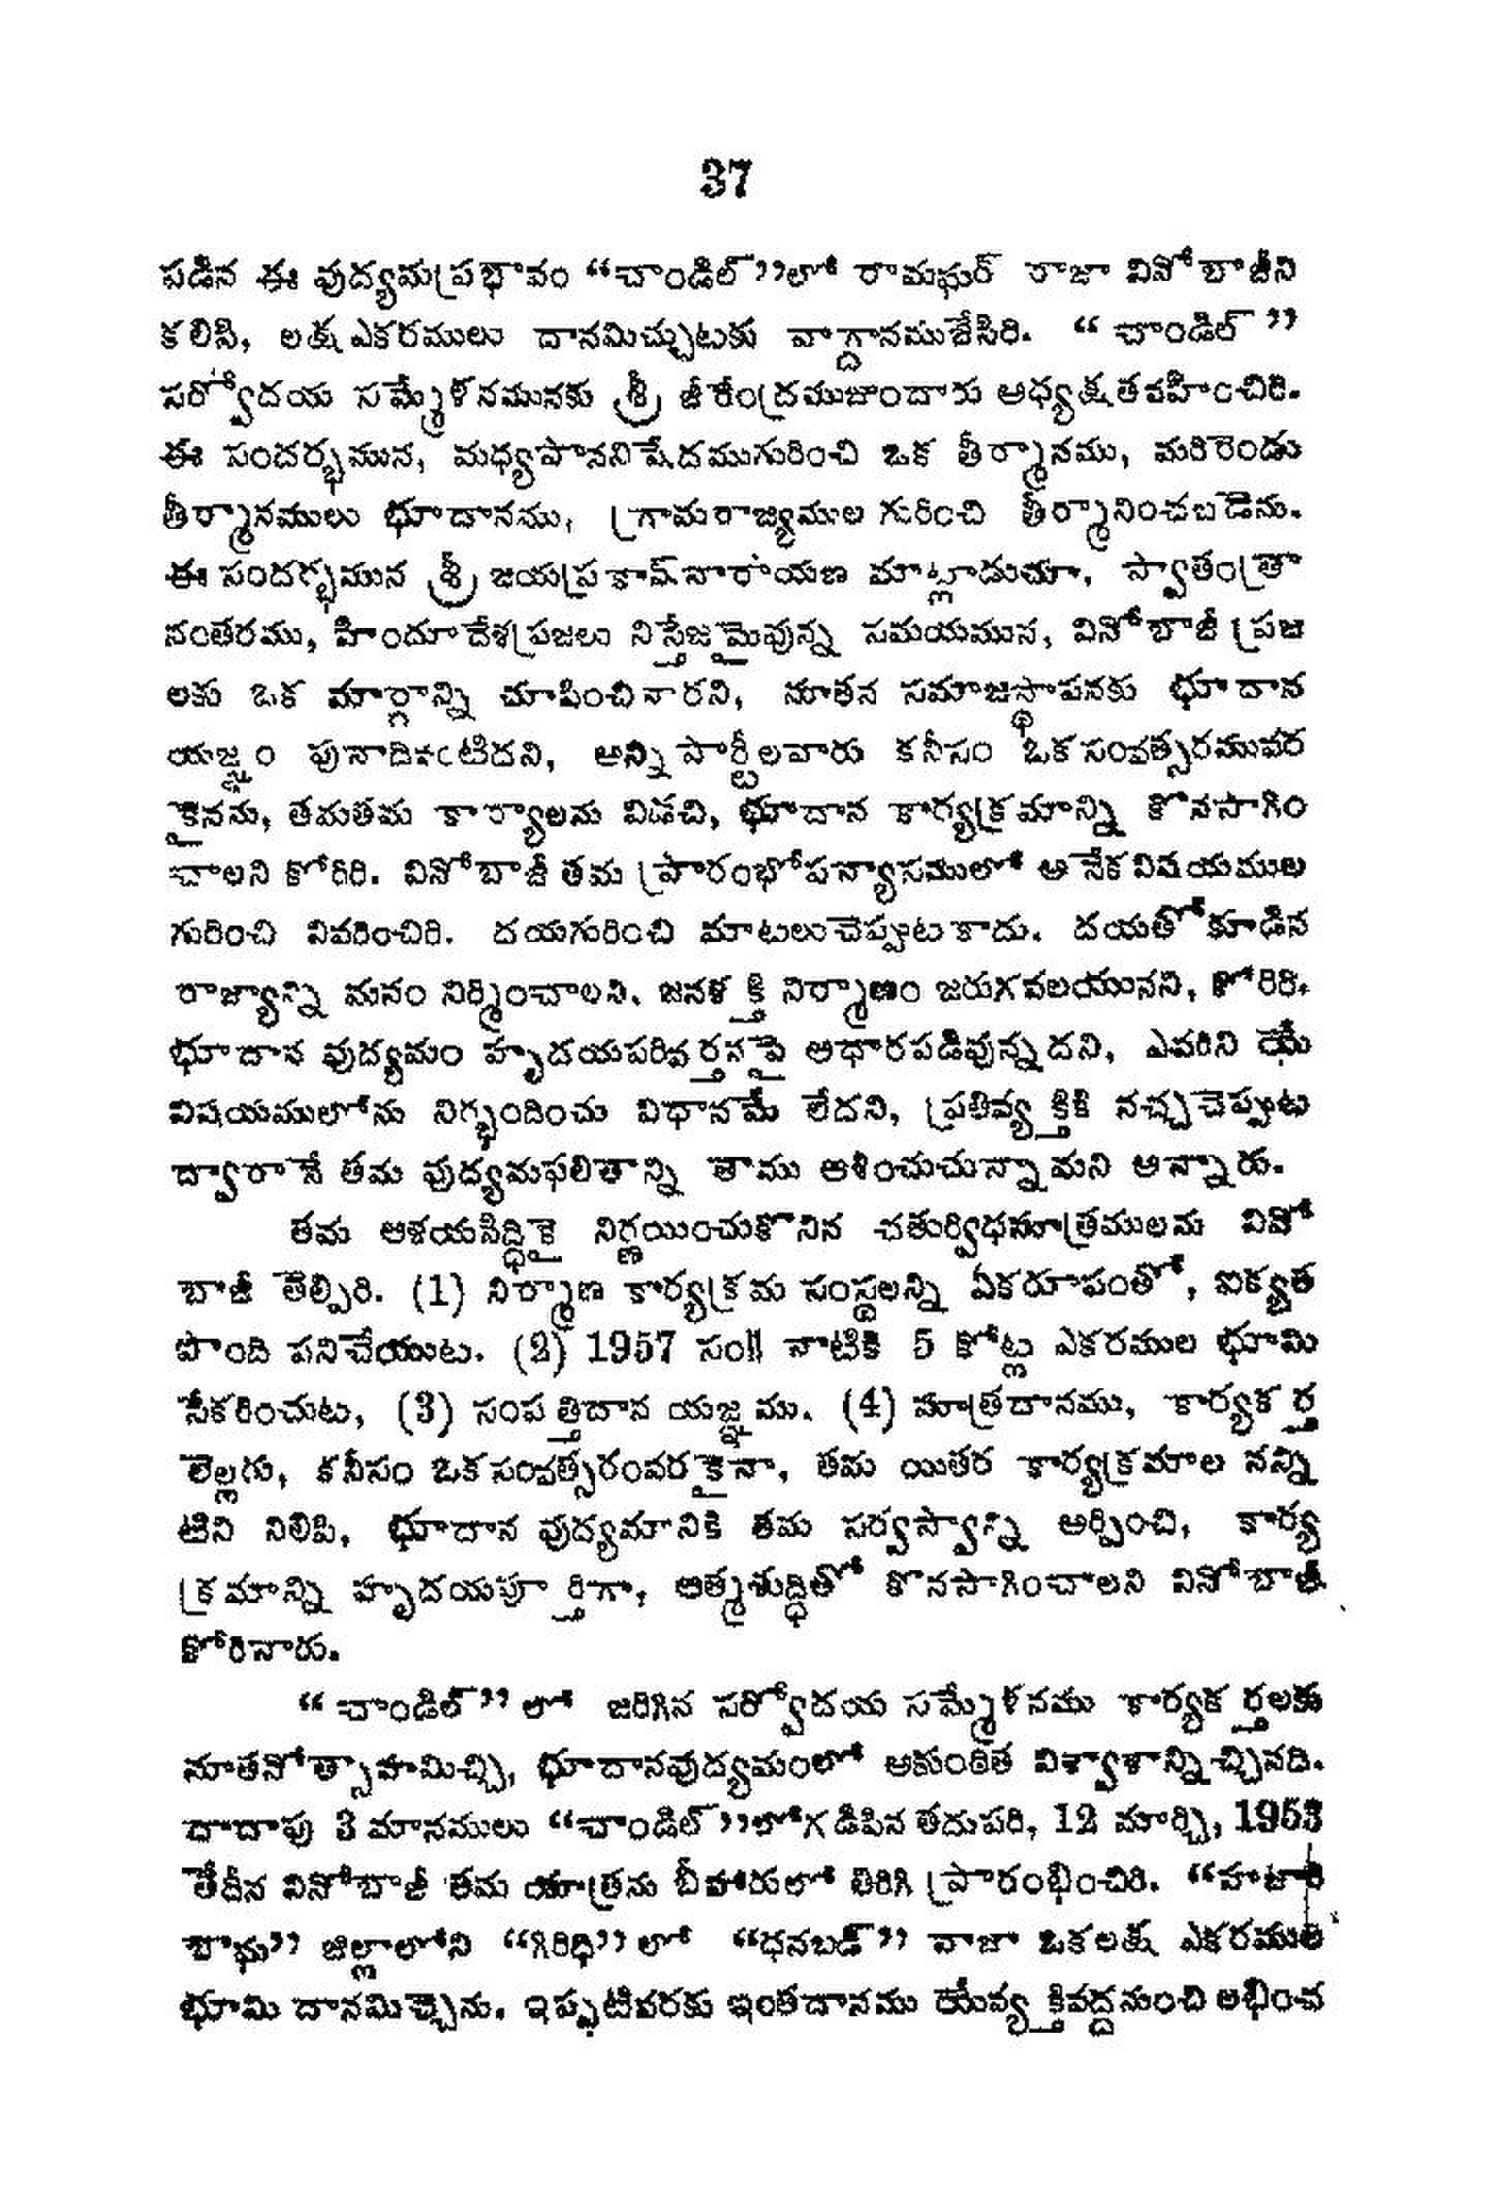పడిన ఈ వుద్యమప్రభావం "చాండిల్"లో రామఘర్ రాజా వినోబాజీని కలిసి, లక్ష ఎకరములు దానమిచ్చుటకు వాగ్దానముజేసిరి. "చాండిల్" సర్వోదయ సమ్మేళనమునకు శ్రీ జీరేంద్రముజుందారు అధ్యక్షత వహించిరి. ఈ సందర్భమున, మధ్యపాననిషేదము గురించి ఒక తీర్మానము, మరిరెండు తీర్మానములు భూదానము, గ్రామరాజ్యముల గురించి తీర్మానించబడెను, ఈ సందర్భమున శ్రీ జయప్రకాష్ నారాయణ మాట్లాడుచూ, స్వాతంత్రా నంతరము, హిందూదేశప్రజలు నిస్తేజమైవున్న సమయమున, వినోబాజీ ప్రజలకు ఒక మార్గాన్ని చూపించినారని, నూతన సమాజస్థాపనకు భూదాన యజ్ఞం పునాదివంటిదని, అన్ని పార్టీలవారు కనీసం ఒక సంవత్సరమువరకైనను, తమతమ కార్యాలను విడచి, భూదాన కార్యక్రమాన్ని కొనసాగించాలని కోరిరి. వినోబాజీ తమ ప్రారంభోపన్యాసములో అనేకవిషయముల గురించి వివరించిరి. దయగురించి మాటలుచెప్పుటకాదు. దయతోకూడిన రాజ్యాన్ని మనం నిర్మించాలని, జనశక్తి నిర్మాణం జరుగవలయునని, కోరిరి. భూదాన వుద్యమం హృదయపరివర్తనపై ఆధారపడివున్నదని, ఎవరిని యే విషయములోను నిర్బందించు విధానమే లేదని, ప్రతివ్యక్తికి నచ్చచెప్పుట ద్వారానే తమ వుద్యమఫలితాన్ని తాము ఆశించుచున్నామని అన్నారు.

తమ ఆశయసిద్దికై నిర్ణయించుకొనిన చతుర్విధ సూత్రములను వివోబాజీ తెల్పిరి. (1) నిర్మాణ కార్యక్రమ సంస్థలన్ని ఏకరూపంతో, ఐక్యత పొంది పనిచేయుట. (2) 1957 సం|| నాటికి 5 కోట్ల ఎకరముల భూమి సేకరించుట, (3) సంపత్తిదాన యజ్ఞము. (4) సూత్రదానము, కార్యకర్త లెల్లరు, కనీసం ఒక సంవత్సరంవరకైనా, తమ యితర కార్యక్రమాల నన్నిటిని నిలిపి, భూదాన వుద్యమానికి తమ సర్వస్వాన్ని అర్పించి, కార్యక్రమాన్ని హృదయపూర్తిగా, ఆత్మశుద్దితో కొనసాగించాలని వినోబాజీ కోరినారు.

"చాండిల్" లో జరిగిన సర్వోదయ సమ్మేళనము కార్యకర్తలకు నూతనోత్సాహమిచ్చి, భూదానవుద్యమంలో అకుంఠిత విశ్వాశాన్నిచ్చినది. దాదాపు 3 మాసములు "చాండిల్"లోగడిపిన తదుపరి, 12 మార్చి, 1953 తేదీన వినోబాజీ తమ యాత్రను బీహారులో తిరిగి ప్రారంభించిరి. "హజారిబాఘ" జిల్లాలోని "గిరిధి"లో “ధనబడ్" నాజా ఒకలక్ష ఎకరముల భూమి దానమిచ్చెను. ఇప్పటివరకు ఇంత దానము యేవ్యక్తివద్దనుంచి లభించ